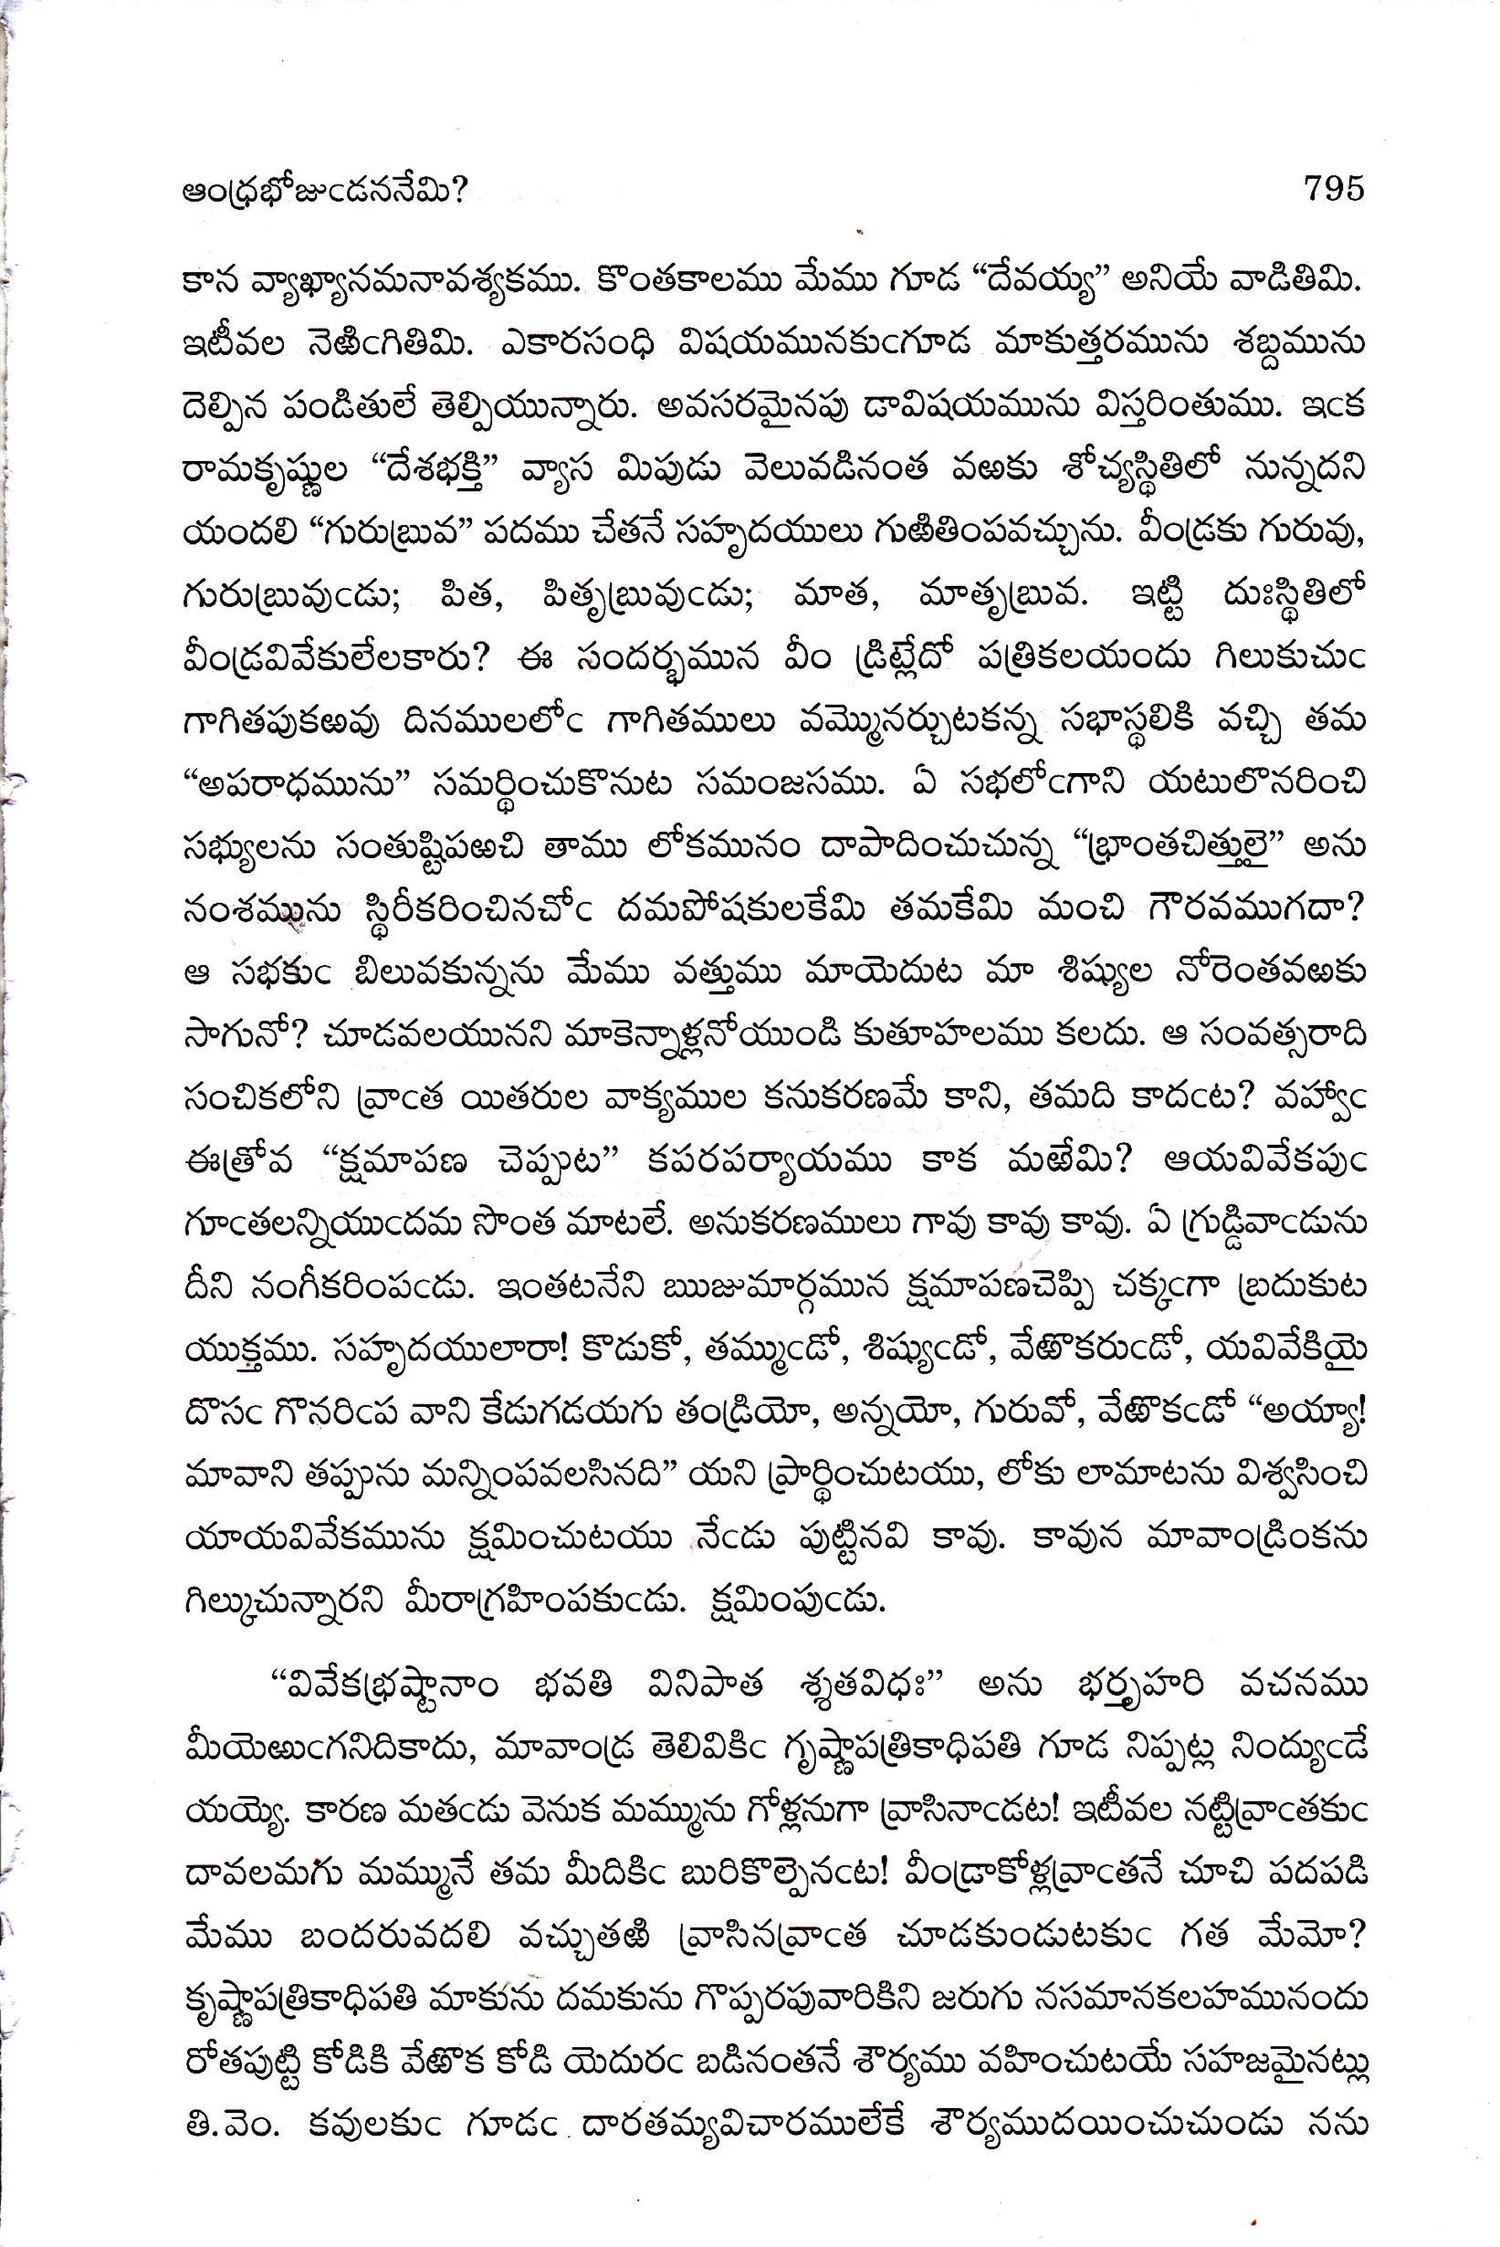కాన వ్యాఖ్యానమనావశ్యకము. కొంతకాలము మేము గూడ “దేవయ్య" అనియే వాడితిమి. ఇటీవల నెఱిఁగితిమి. ఎకారసంధి విషయమునకుఁగూడ మాకుత్తరమును శబ్దమును దెల్పిన పండితులే తెల్పియున్నారు. అవసరమైనపు డావిషయమును విస్తరింతుము. ఇఁక రామకృష్ణుల “దేశభక్తి" వ్యాస మిపుడు వెలువడినంత వఱకు శోచ్యస్థితిలో నున్నదని యందలి “గురుబ్రువ" పదము చేతనే సహృదయులు గుఱితింపవచ్చును. వీండ్రకు గురువు, గురుబ్రువుఁడు; పిత, పితృ బ్రువుఁడు; మాత, మాతృబ్రువ. ఇట్టి దుఃస్థితిలో వీండ్రవివేకులేలకారు? ఈ సందర్భమున వీం డ్రిట్లేదో పత్రికలయందు గిలుకుచుఁ గాగితపుకఱవు దినములలోఁ గాగితములు వమ్మొనర్చుటకన్న సభాస్థలికి వచ్చి తమ "అపరాధమును" సమర్థించుకొనుట సమంజసము. ఏ సభలోఁగాని యటులొనరించి సభ్యులను సంతుష్టిపఱచి తాము లోకమునం దాపాదించుచున్న “భ్రాంతచిత్తులై" అను నంశమును స్థిరీకరించినచోఁ దమపోషకులకేమి తమకేమి మంచి గౌరవముగదా? ఆ సభకుఁ బిలువకున్నను మేము వత్తుము మాయెదుట మా శిష్యుల నోరెంతవఱకు సాగునో? చూడవలయునని మాకెన్నాళ్లనోయుండి కుతూహలము కలదు. ఆ సంవత్సరాది సంచికలోని వ్రాఁత యితరుల వాక్యముల కనుకరణమే కాని, తమది కాదఁట? వహ్వాఁ ఈత్రోవ “క్షమాపణ చెప్పుట” కపరపర్యాయము కాక మఱేమి? ఆయవివేకపుఁ గూఁతలన్నియుఁదమ సొంత మాటలే. అనుకరణములు గావు కావు కావు. ఏ గ్రుడ్డివాఁడును దీని నంగీకరింపఁడు. ఇంతటనేని ఋజుమార్గమున క్షమాపణచెప్పి చక్కఁగా బ్రదుకుట యుక్తము. సహృదయులారా! కొడుకో, తమ్ముఁడో, శిష్యుఁడో, వేఱొకరుఁడో, యవివేకియై దొసఁ గొనరిఁప వాని కేడుగడయగు తండ్రియో, అన్నయో, గురువో, వేఱొకఁడో “అయ్యా! మావాని తప్పును మన్నింపవలసినది" యని ప్రార్థించుటయు, లోకు లామాటను విశ్వసించి యాయవివేకమును క్షమించుటయు నేఁడు పుట్టినవి కావు. కావున మావాండ్రింకను గిల్కుచున్నారని మీరాగ్రహింపకుఁడు. క్షమింపుఁడు.

"వివేకభ్రష్టానాం భవతి వినిపాత శ్శతవిధః" అను భర్తృహరి వచనము మీయెఱుఁగనిదికాదు, మావాండ్ర తెలివికిఁ గృష్ణాపత్రికాధిపతి గూడ నిప్పట్ల నింద్యుఁడే యయ్యె కారణ మతఁడు వెనుక మమ్మును గోళ్లనుగా వ్రాసినాఁడట! ఇటీవల నట్టివ్రాఁతకుఁ దావలమగు మమ్మునే తమ మీదికిఁ బురికొల్పెనఁట! వీండ్రాకోళ్లవ్రాఁతనే చూచి పదపడి మేము బందరువదలి వచ్చుతఱి వ్రాసినవ్రాఁత చూడకుండుటకుఁ గత మేమో? కృష్ణాపత్రికాధిపతి మాకును దమకును గొప్పరపువారికిని జరుగు నసమానకలహమునందు రోతపుట్టి కోడికి వేఱొక కోడి యెదురఁ బడినంతనే శౌర్యము వహించుటయే సహజమైనట్లు తి.వెం. కవులకుఁ గూడఁ దారతమ్యవిచారములేకే శౌర్యముదయించుచుండు నను